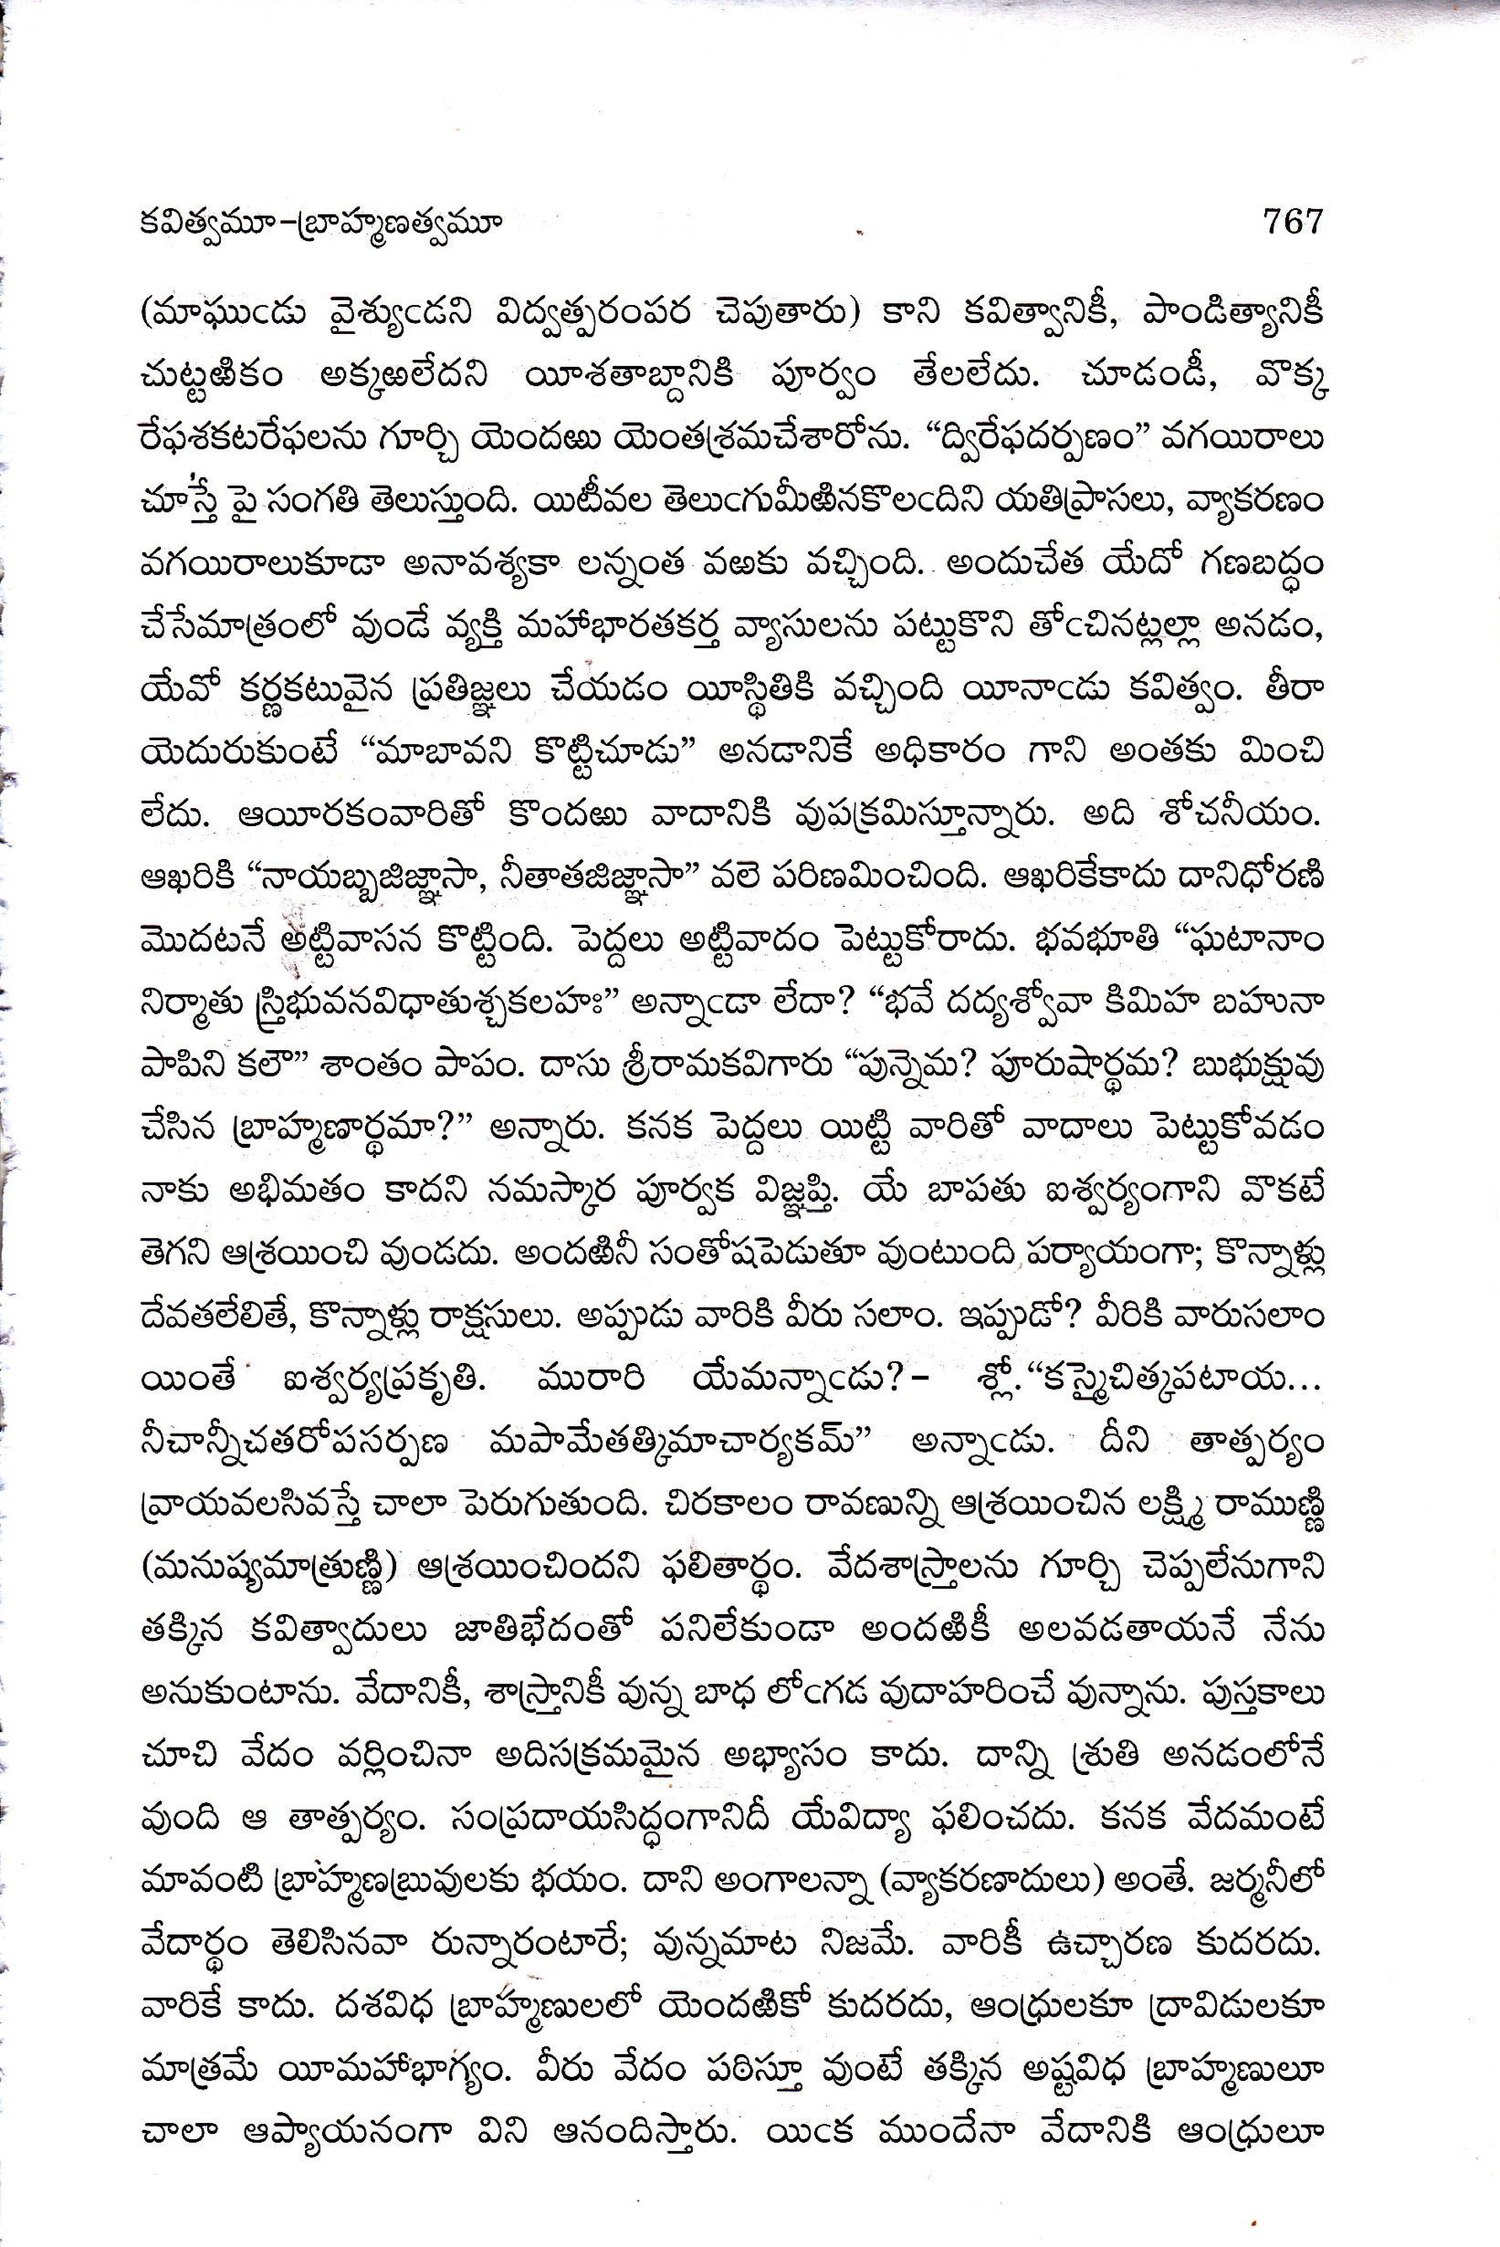(మాఘుఁడు వైశ్యుఁడని విద్వత్పరంపర చెపుతారు) కాని కవిత్వానికీ, పాండిత్యానికీ చుట్టఱికం అక్కఱలేదని యీశతాబ్దానికి పూర్వం తేలలేదు. చూడండీ, వొక్క రేఫశకటరేఫలను గూర్చి యెందఱు యెంతశ్రమచేశారోను. “ద్విరేఫదర్పణం” వగయిరాలు చూస్తే పై సంగతి తెలుస్తుంది. యిటీవల తెలుఁగుమీఱినకొలఁదిని యతిప్రాసలు, వ్యాకరణం వగయిరాలుకూడా అనావశ్యకా లన్నంత వఱకు వచ్చింది. అందుచేత యేదో గణబద్ధం చేసేమాత్రంలో వుండే వ్యక్తి మహాభారతకర్త వ్యాసులను పట్టుకొని తోఁచినట్లల్లా అనడం, యేవో కర్ణకటువైన ప్రతిజ్ఞలు చేయడం యీస్థితికి వచ్చింది యీనాఁడు కవిత్వం. తీరా యెదురుకుంటే “మాబావని కొట్టిచూడు" అనడానికే అధికారం గాని అంతకు మించి లేదు. ఆయీరకంవారితో కొందఱు వాదానికి వుపక్రమిస్తూన్నారు. అది శోచనీయం. ఆఖరికి "నాయబ్బజిజ్ఞాసా, నీతాతజిజ్ఞాసా" వలె పరిణమించింది. ఆఖరికేకాదు దానిదోరణి మొదటనే అట్టివాసన కొట్టింది. పెద్దలు అట్టివాదం పెట్టుకోరాదు. భవభూతి "ఘటానాం నిర్మాతు స్త్రిభువనవిధాతుశ్చకలహః" అన్నాఁడా లేదా? “భవే దద్యశ్వోవా కిమిహ బహునా పాపిని కలౌ" శాంతం పాపం. దాసు శ్రీరామకవిగారు “పున్నెమ? పూరుషార్థమ? బుభుక్షువు చేసిన బ్రాహ్మణార్థమా?" అన్నారు. కనక పెద్దలు యిట్టి వారితో వాదాలు పెట్టుకోవడం నాకు అభిమతం కాదని నమస్కార పూర్వక విజ్ఞప్తి. యే బాపతు ఐశ్వర్యంగాని వొకటే తెగని ఆశ్రయించి వుండదు. అందఱినీ సంతోషపెడుతూ వుంటుంది పర్యాయంగా; కొన్నాళ్లు దేవతలేలితే, కొన్నాళ్లు రాక్షసులు. అప్పుడు వారికి వీరు సలాం. ఇప్పుడో? వీరికి వారుసలాం యింతే ఐశ్వర్యప్రకృతి. మురారి యేమన్నాఁడు? - శ్లో. "కస్మైచిత్కపటాయ... నీచాన్నీచతరోపసర్పణ మపామేతత్కిమాచార్యకమ్" అన్నాఁడు. దీని తాత్పర్యం వ్రాయవలసివస్తే చాలా పెరుగుతుంది. చిరకాలం రావణున్ని ఆశ్రయించిన లక్ష్మి రాముణ్ణి (మనుష్యమాత్రుణ్ణి) ఆశ్రయించిందని ఫలితార్థం. వేదశాస్త్రాలను గూర్చి చెప్పలేనుగాని తక్కిన కవిత్వాదులు జాతిభేదంతో పనిలేకుండా అందఱికీ అలవడతాయనే నేను అనుకుంటాను. వేదానికీ, శాస్త్రానికీ వున్న బాధ లోఁగడ వుదాహరించే వున్నాను. పుస్తకాలు చూచి వేదం వర్లించినా అదిసక్రమమైన అభ్యాసం కాదు. దాన్ని శ్రుతి అనడంలోనే వుంది ఆ తాత్పర్యం. సంప్రదాయసిద్ధంగానిదీ యేవిద్యా ఫలించదు. కనక వేదమంటే మావంటి బ్రాహ్మణబ్రువులకు భయం. దాని అంగాలన్నా (వ్యాకరణాదులు) అంతే. జర్మనీలో వేదార్థం తెలిసినవా రున్నారంటారే; వున్నమాట నిజమే. వారికీ ఉచ్చారణ కుదరదు. వారికే కాదు. దశవిధ బ్రాహ్మణులలో యెందఱికో కుదరదు, ఆంధ్రులకూ ద్రావిడులకూ మాత్రమే యీమహాభాగ్యం. వీరు వేదం పఠిస్తూ వుంటే తక్కిన అష్టవిధ బ్రాహ్మణులూ చాలా ఆప్యాయనంగా విని ఆనందిస్తారు. యిఁక ముందేనా వేదానికి ఆంధ్రులూ